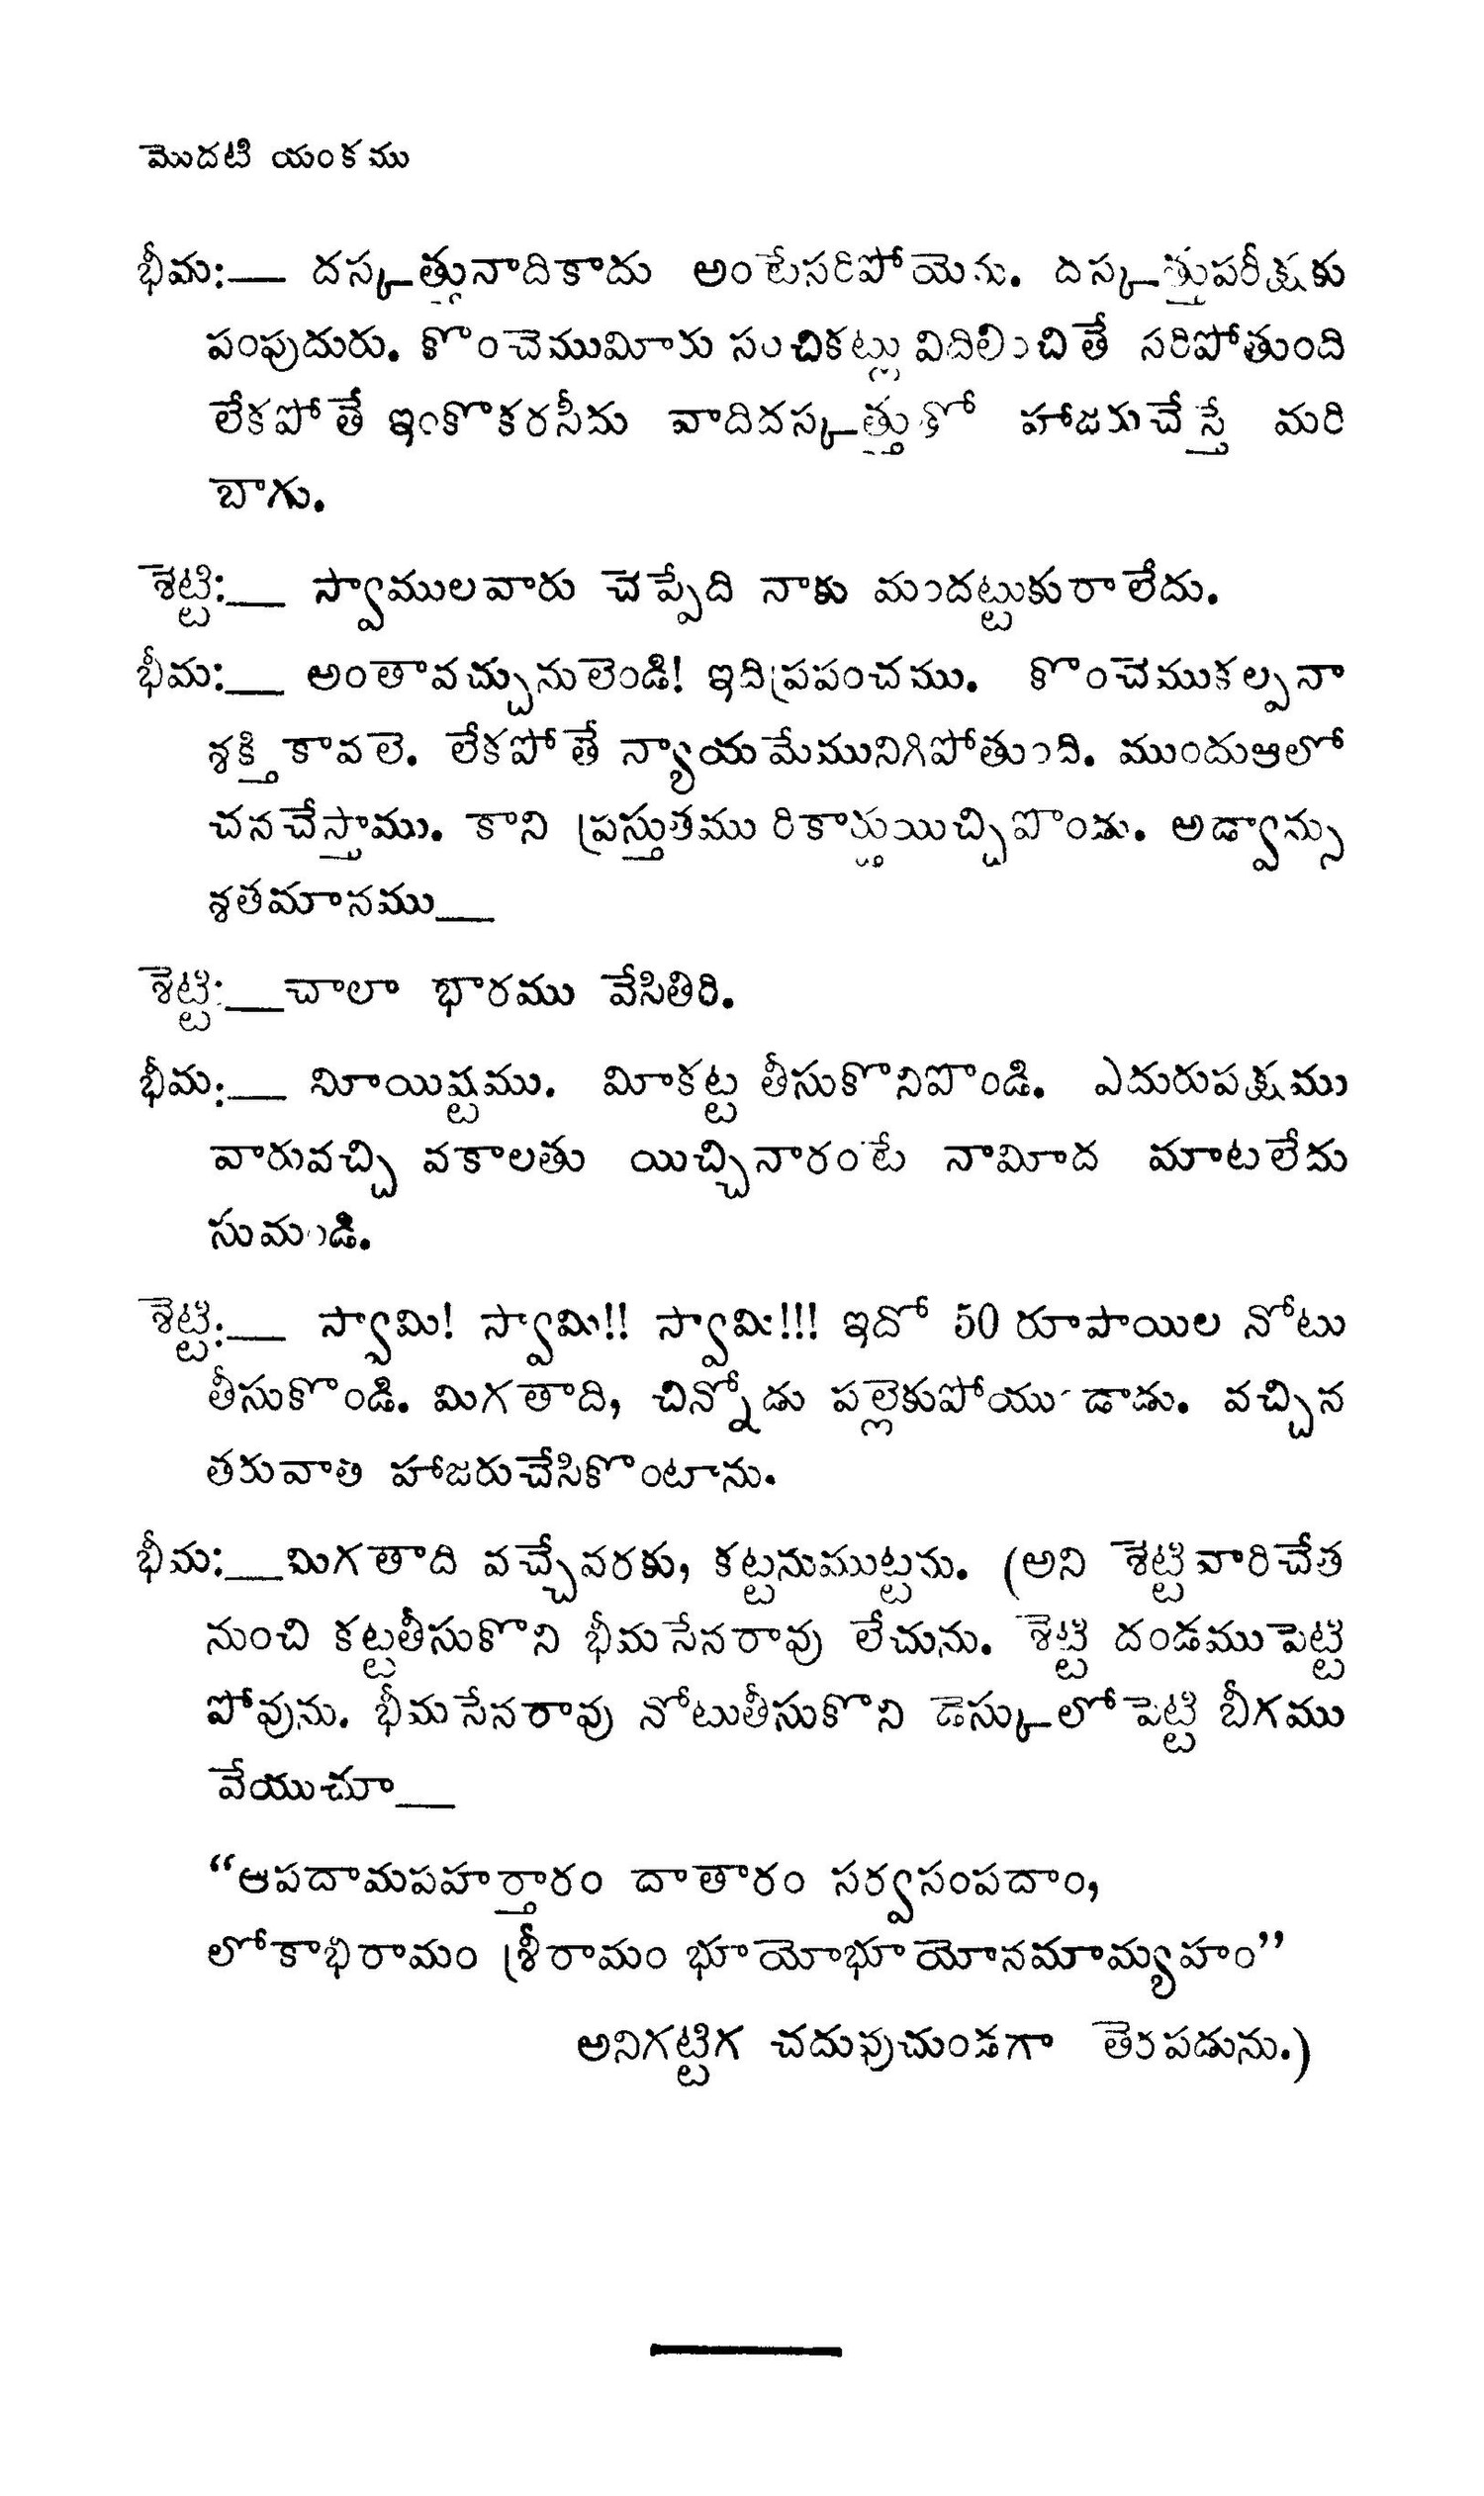భీమ:--దస్కత్తునాదికారు అంటేసరిపోయెను. దస్కత్తుపరీక్షకు పంపుదురు. కొంచెము మీరు పంచికట్టువిదిలించితే సరిపొతుంది లేకపోతే ఇంకొక రసీదు వారి దస్కత్తుతో హాజరుచేస్తే మరిబాగు.

శెట్టి:-- స్వాములవారు చెప్పేది నాకు ముందట్టుకురాలేదు.

భీమ:--అంతా వచ్చునులెండి! ఇది ప్రపంచము. కొంచెంకల్పనా శక్తికావలె. లేకపోతే న్యాయమే మునిగిపోతుంది. ముందు ఆలోచన చేస్తాము. కాని ప్రస్తుతము రికార్టుయిచ్చి పొండు. అడ్వాన్సు శతమానము--

శెట్టి;--చాలా భారము వేసితిరి.

భీమ:--మీయిష్టము. మీకట్ట తీరుకొని పొండి. ఎదురుపక్షము వారువచ్చి వకాలతు యిచ్చి నారంటే నామీద మాటలేదు సుమండి.

శెట్టి:--స్వామి! స్వామి!! స్వామి!!! ఇదొ 50 రూపాయిల నోటు తీసుకోండి. మిగతాది, చిన్నొడు పల్లెకుపొయి నాడు. వచ్చిన తరువాత హాజరు చేసికొంటాను.

బీమ:--మగతాది వచ్చేవరకు, కట్టనుముట్టరు. (అని శెట్టివారుచేత నుంచి కట్టతీసుకొని బీమసేనరావు లేచును. శెట్టి దండ,ముపెట్టి పొవును. బీమదేవరావు నోటుతీసుకొని డెస్కులోపెట్టి బీగము వేయుచూ--

"అపదామపహర్తారం దాతారం సర్వసంపదాం,
లోకాభిరామం శ్రీరామం భూయోభూఓపమామ్యహు"